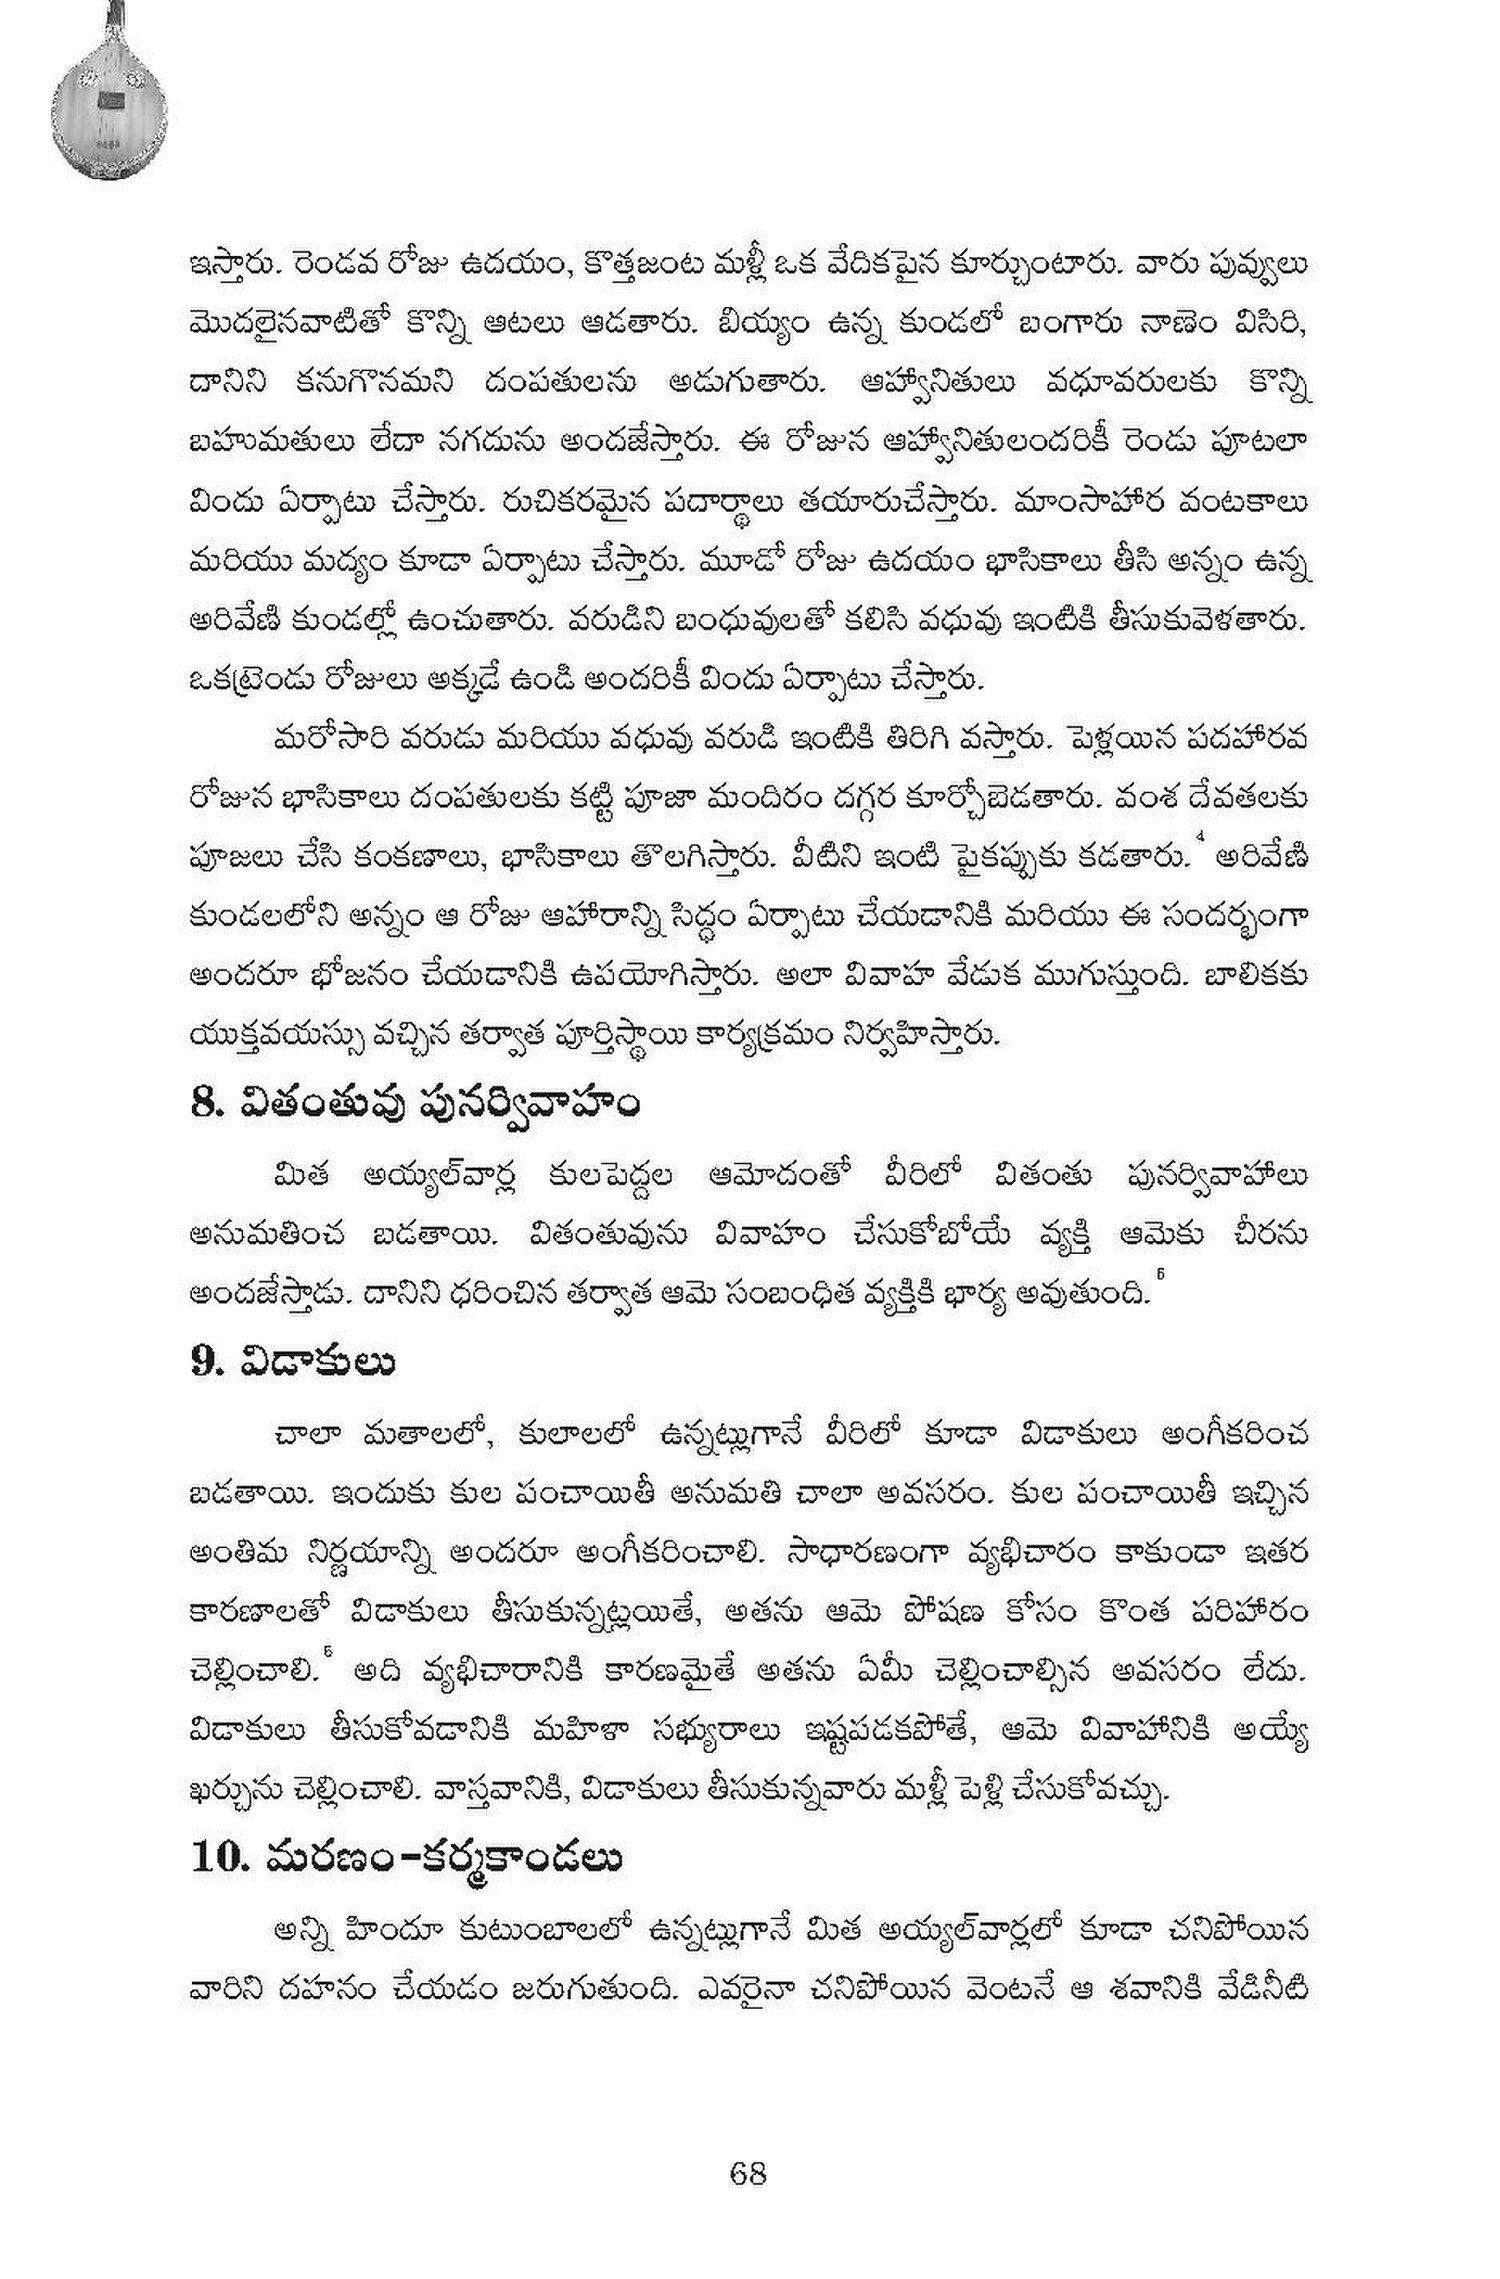ఇస్తారు. రెండవ రోజు ఉదయం, కొత్తజంట మళ్లీ ఒక వేదికపైన కూర్చుంటారు. వారు పువ్వులు మొదలైనవాటితో కొన్ని ఆటలు ఆడతారు. బియ్యం ఉన్న కుండలో బంగారు నాణెం విసిరి, దానిని కనుగొనమని దంపతులను అడుగుతారు. ఆహ్వానితులు వధూవరులకు కొన్ని బహుమతులు లేదా నగదును అందజేస్తారు. ఈ రోజున ఆహ్వానితులందరికీ రెండు పూటలా విందు ఏర్పాటు చేస్తారు. రుచికరమైన పదార్థాలు తయారుచేస్తారు. మాంసాహార వంటకాలు మరియు మద్యం కూడా ఏర్పాటు చేస్తారు. మూడో రోజు ఉదయం భాసికాలు తీసి అన్నం ఉన్నఅరివేణి కుండల్లో ఉంచుతారు. వరుడిని బంధువులతో కలిసి వధువు ఇంటికి తీసుకువెళతారు. ఒకట్రెండు రోజులు అక్కడే ఉండి అందరికీ విందు ఏర్పాటు చేస్తారు.

మరోసారి వరుడు మరియు వధువు వరుడి ఇంటికి తిరిగి వస్తారు. పెళ్లయిన పదహారవ రోజున భాసికాలు దంపతులకు కట్టి పూజా మందిరం దగ్గర కూర్చోబెడతారు. వంశ దేవతలకు పూజలు చేసి కంకణాలు, భాసికాలు తొలగిస్తారు. వీటిని ఇంటి పైకప్పుకు కడతారు.4 అరివేణి కుండలలోని అన్నం ఆ రోజు ఆహారాన్ని సిద్ధం ఏర్పాటు చేయడానికి మరియు ఈ సందర్భంగా అందరూ భోజనం చేయడానికి ఉపయోగిస్తారు. అలా వివాహ వేడుక ముగుస్తుంది. బాలికకు యుక్తవయస్సు వచ్చిన తర్వాత పూర్తిస్థాయి కార్యక్రమం నిర్వహిస్తారు.

8. వితంతువు పునర్వివాహం 

మిత అయ్యల్వార్ల కులపెద్దల ఆమోదంతో వీరిలో వితంతు పునర్వివాహాలు అనుమతించ బడతాయి. వితంతువును వివాహం చేసుకోబోయే వ్యక్తి ఆమెకు చీరను అందజేస్తాడు. దానిని ధరించిన తర్వాత ఆమె సంబంధిత వ్యక్తికి భార్య అవుతుంది.5 '

9. విడాకులు 

చాలా మతాలలో, కులాలలో ఉన్నట్లుగానే వీరిలో కూడా విడాకులు అంగీకరించ బడతాయి. ఇందుకు కుల పంచాయితీ అనుమతి చాలా అవసరం. కుల పంచాయితీ ఇచ్చిన అంతిమ నిర్ణయాన్ని అందరూ అంగీకరించాలి. సాధారణంగా వ్యభిచారం కాకుండా ఇతర కారణాలతో విడాకులు తీసుకున్నట్లయితే, అతను ఆమె పోషణ కోసం కొంత పరిహారం
చెల్లించాలి.6 అది వ్యభిచారానికి కారణమైతే అతను ఏమీ చెల్లించాల్సిన అవసరం లేదు. విడాకులు తీసుకోవడానికి మహిళా సభ్యురాలు ఇష్టపడకపోతే, ఆమె వివాహానికి అయ్యే ఖర్చును చెల్లించాలి. వాస్తవానికి, విడాకులు తీసుకున్నవారు మళ్లీ పెళ్లి చేసుకోవచ్చు.

10. మరణం-కర్మకాండలు 

అన్ని హిందూ కుటుంబాలలో ఉన్నట్లుగానే మిత అయ్యల్వార్లలో కూడా చనిపోయిన వారిని దహనం చేయడం జరుగుతుంది. ఎవరైనా చనిపోయిన వెంటనే ఆ శవానికి వేడినీటి